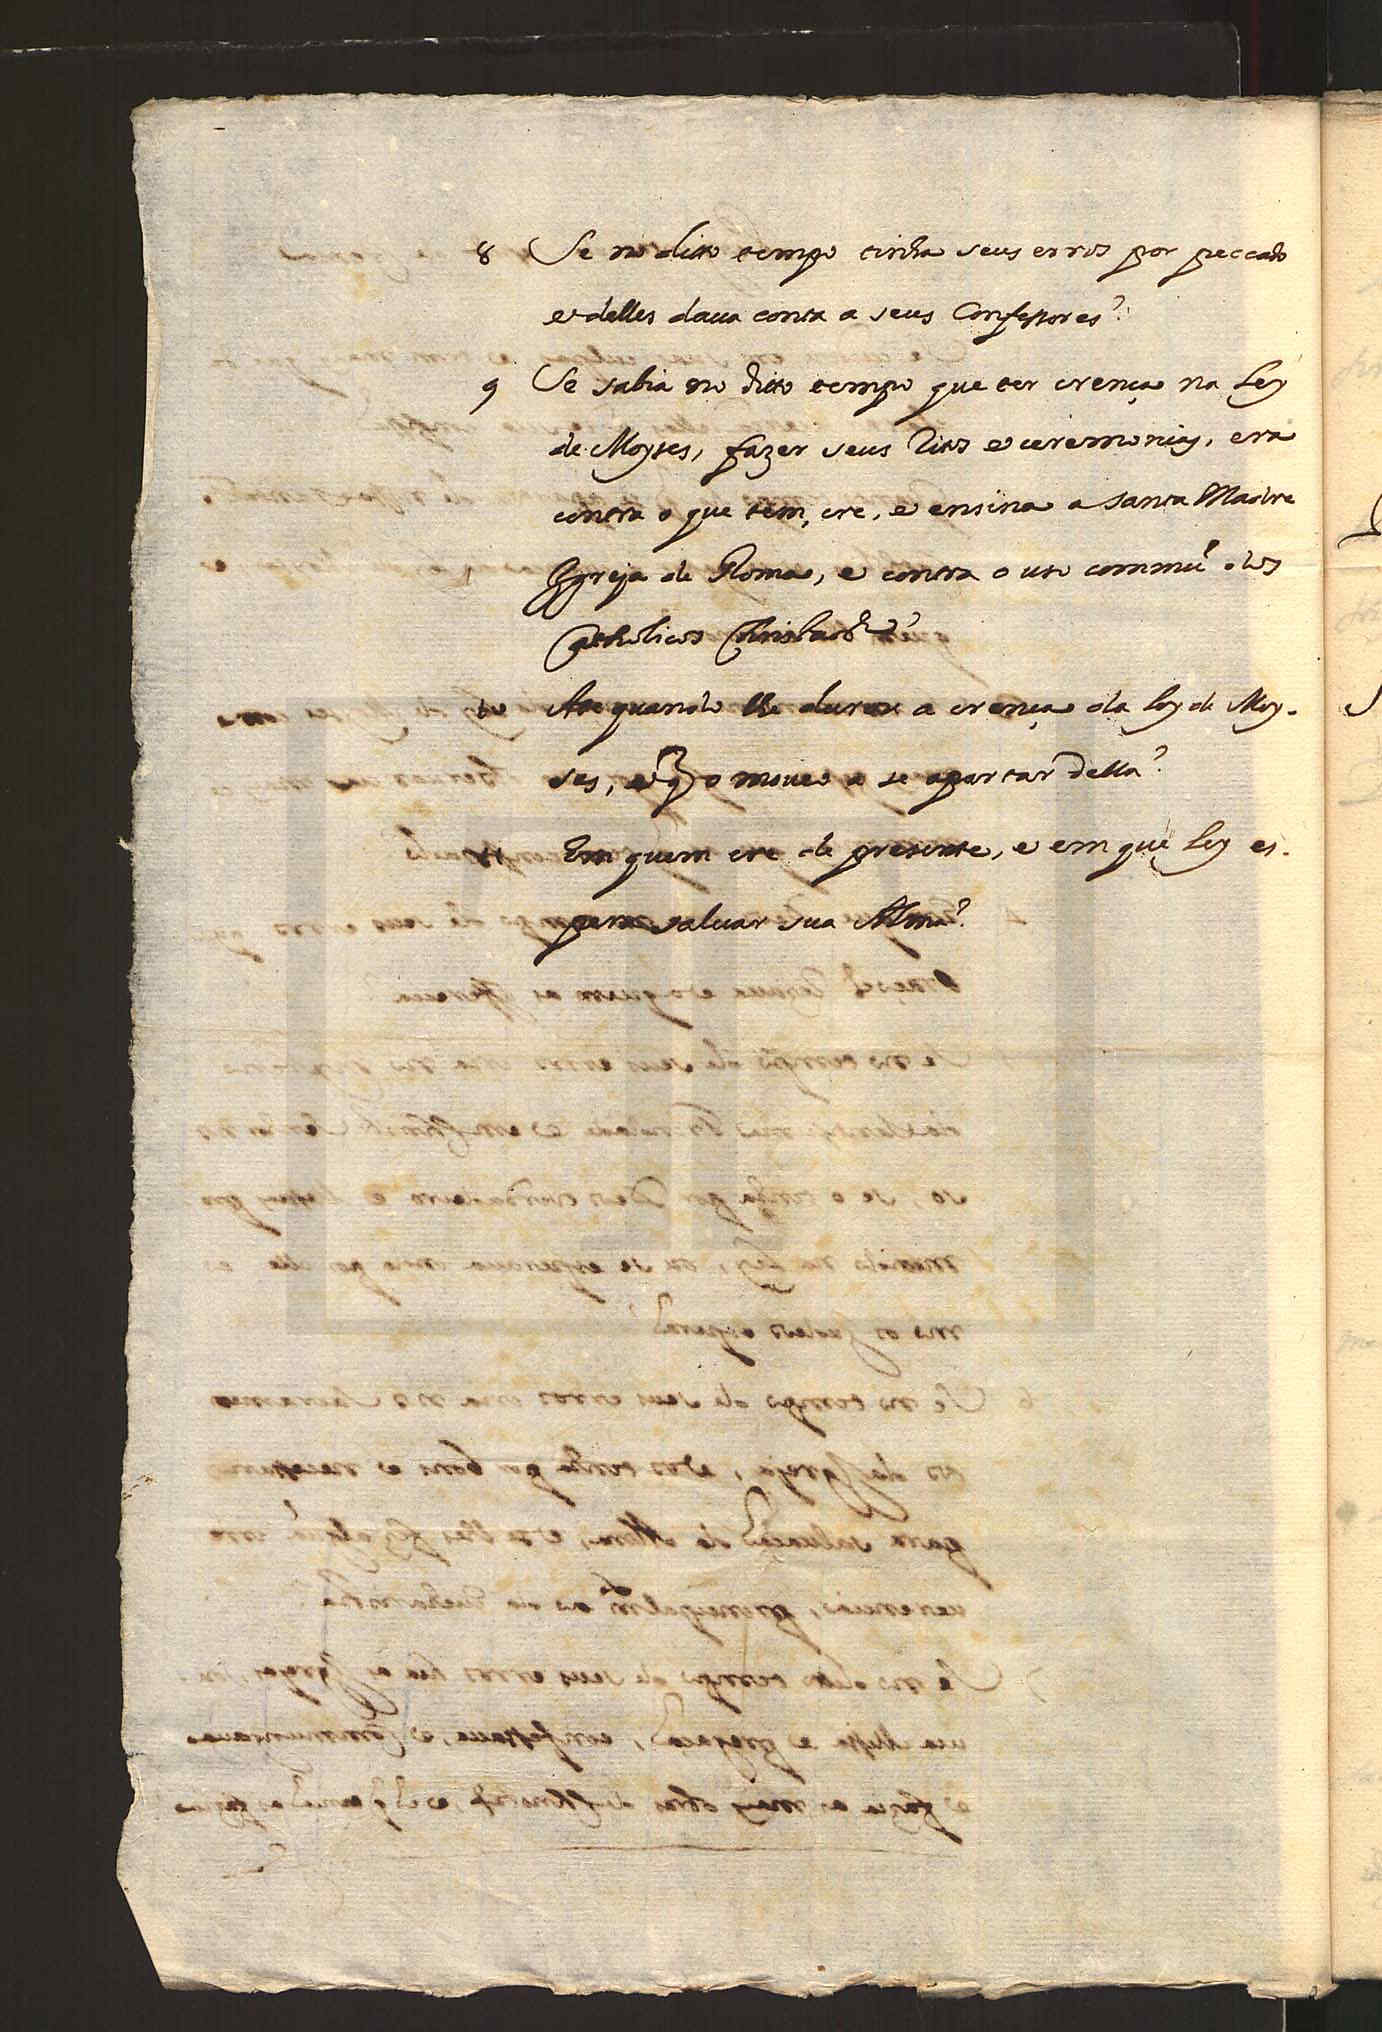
8 Se no ditto tempo tinha seus erros por peccado
e delles daua conta a seus Confessores?
9 Se sabia no ditto tempo que ter crença na Ley
de Moyses, fazer seus Ritos e ceremonias, era
contra o que tem, cre, e ensina a santa Madre
Jgreja de Roma, e contra o uso commū dos
Catholicos Christaos̄?
10 Ate quando lhe durou a crença da ley de Moy
ses, ao q̄ o moueo a se apartar della?
11 Em quem cre de presente, e em que ley es
pera saluar sua Alma?
